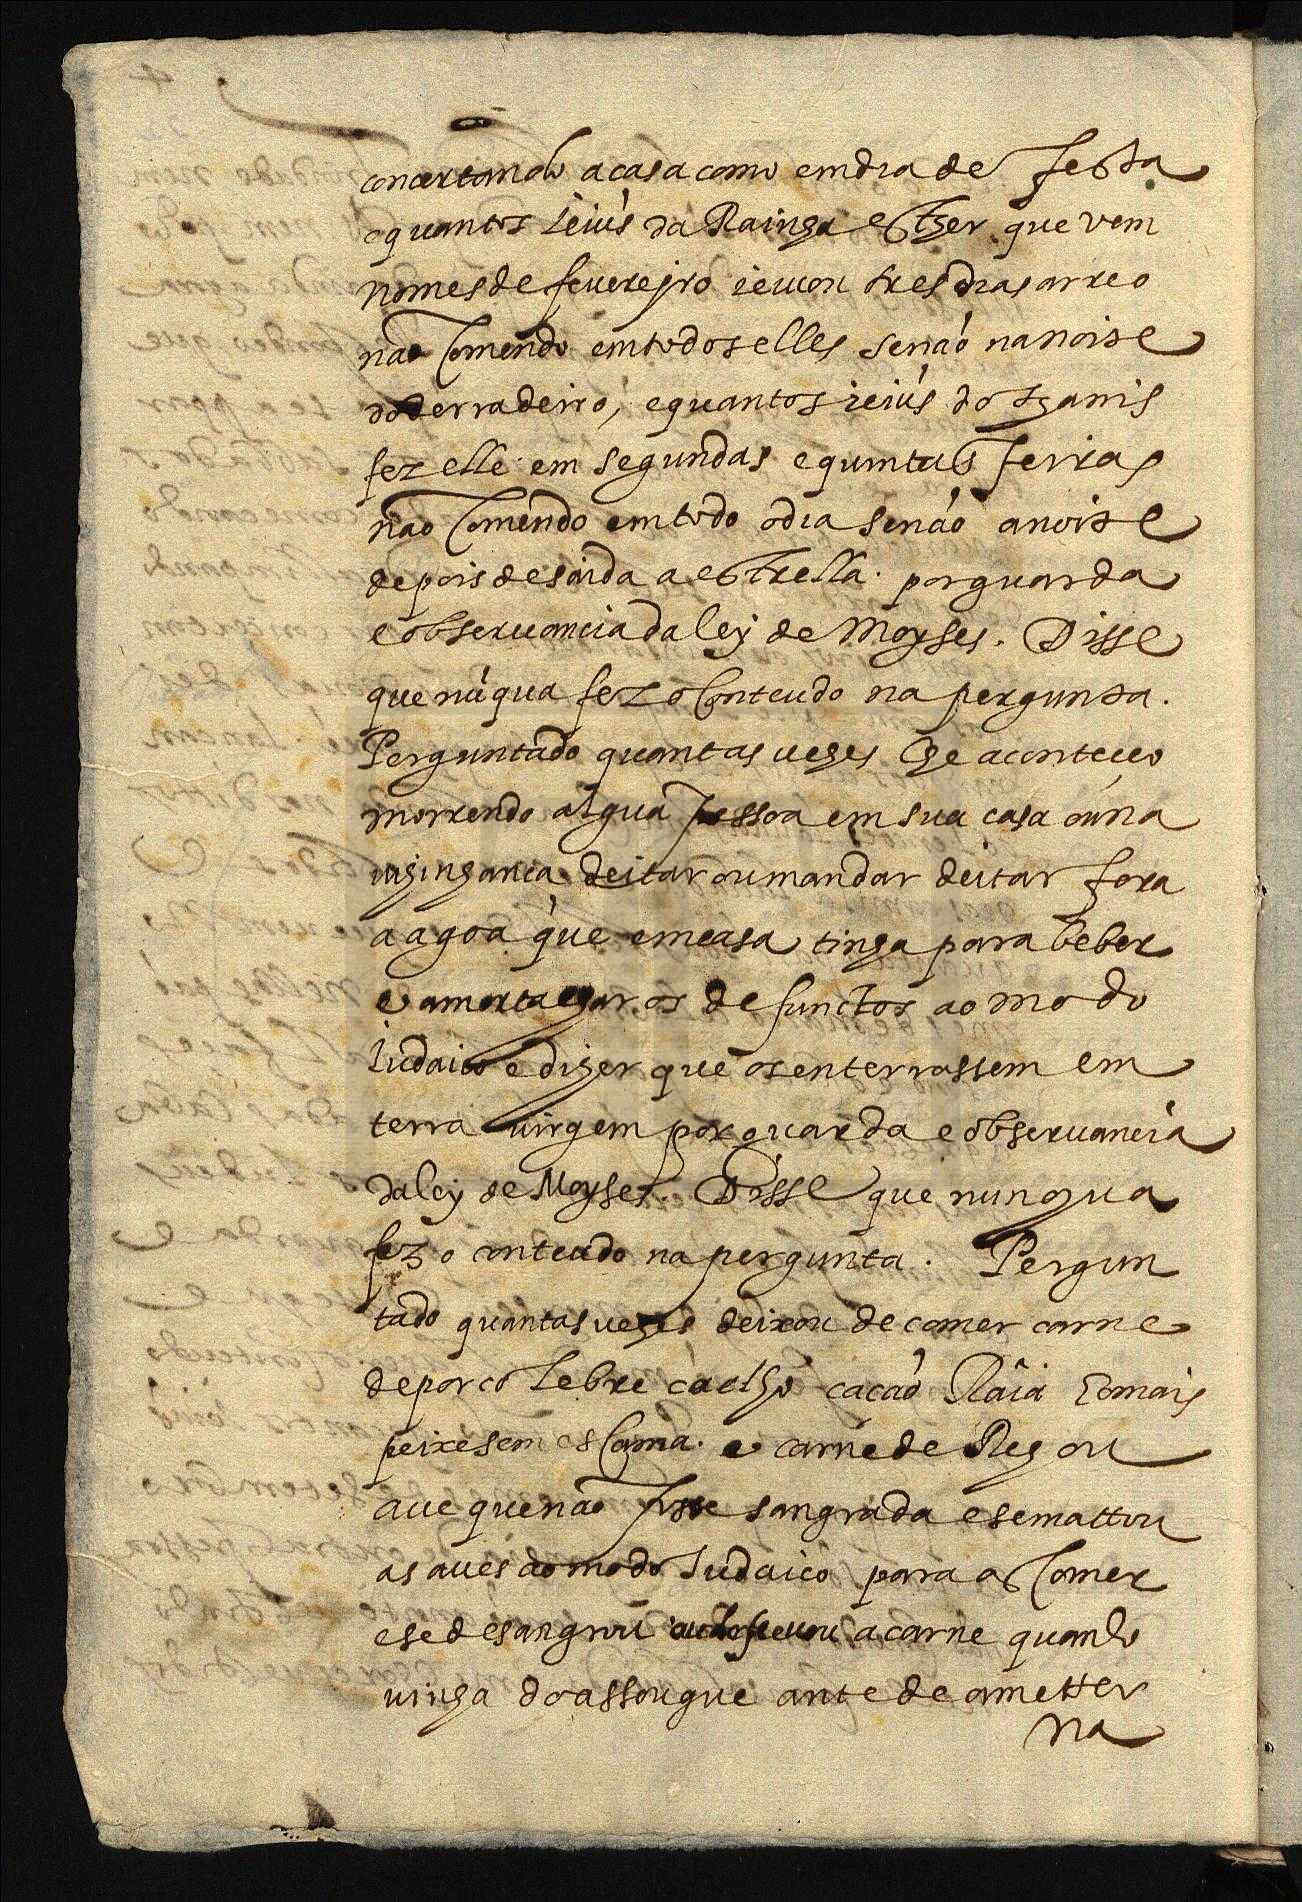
concertando a casa como em dia de festa
e quantos ieiūs da Rainha esther que vem
nos mes de feverejro ieiuou tres dias arreo
não Comendo em todos elles senaõ na noite
do derradeiro, e quantos ieiūs do thanis
fez elle em segundas e quintas feiras
não Comendo em todo o dia senão a noite
depois de saida a estrella por guarda
e observancia da ley de moyses. Disse
que nūqua fez o Conteudo na pergunta
Perguntado quantas vezes lhe aconteçeo
morrendo alguā pessoa em sua casa ou na
vizinhança deitar ou mandar deitar fora
a agoa que em casa tinha para beber
e amortalhar os defunctos ao modo
iudaico e dizer que os enterrassem em
terra virgem por guarda e observancia
da ley de Moyses. Disse que nunqua
fez o conteudo na pergunta. Pergun
tado quantas vezes deixou de comer carne
de porco lebre coelho caçaõ Raia e o mais
peixe sem escama e carne de Res ou
ave que não fosse sangrada e se mattou
as aves do modo Judaico para as Comer
e se desangrou ou defrevou a carne quando
vinha do assougue ante de a metter
na
